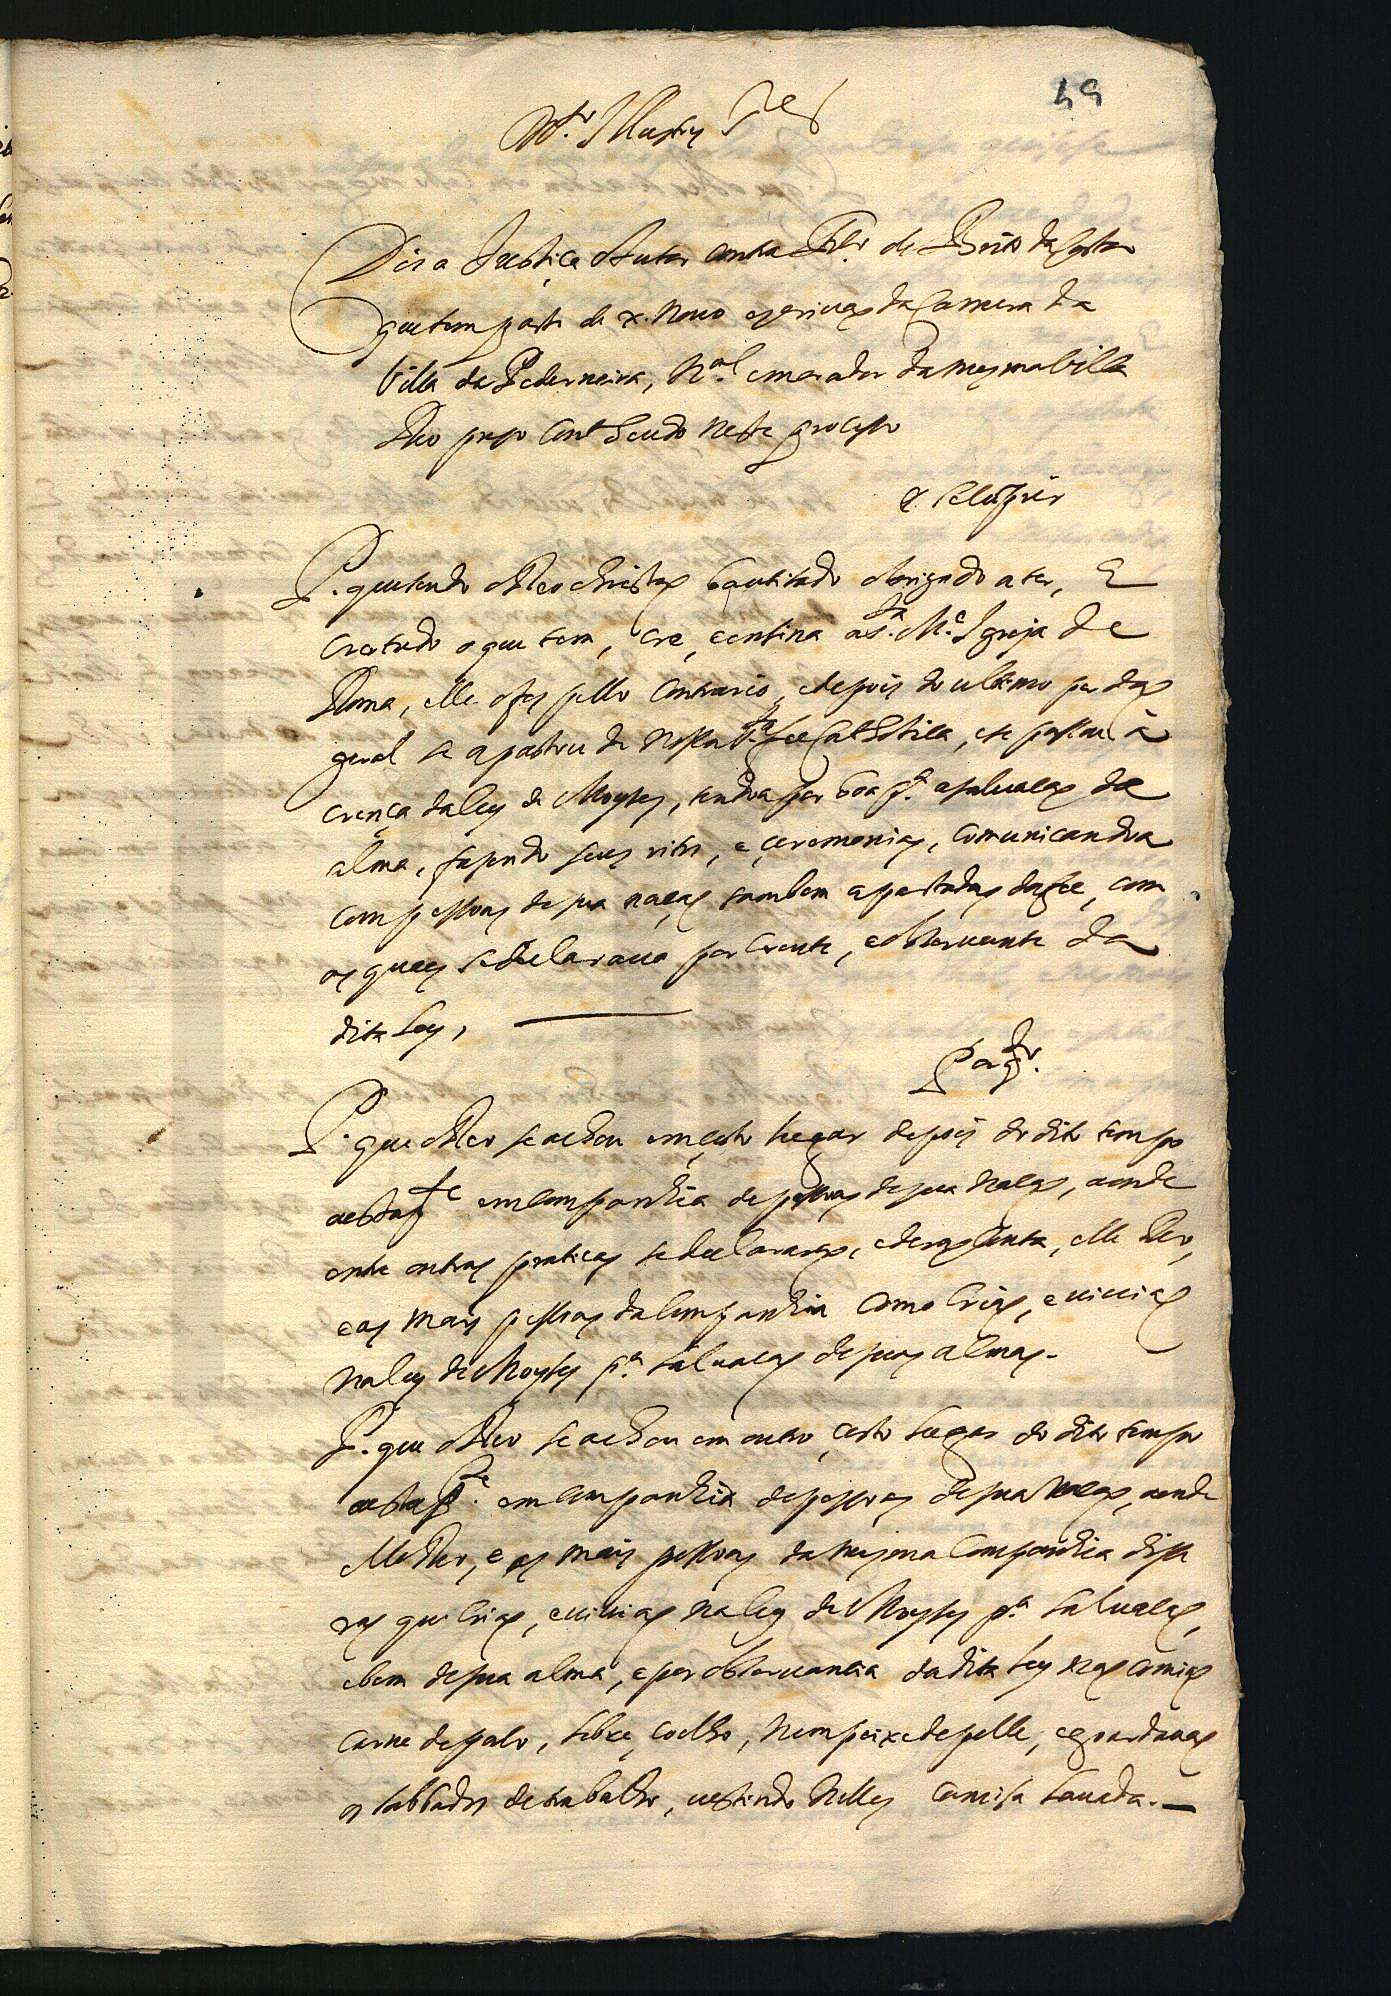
M.to Illustres sres
Dis a Iustiça Autor contra Fr.co de Brito da Costa
que tem parte de x. nouo escriuaõ da Camera da
Villa da Pederneira, n.al e morador da mesma villa
Reo preso contheudo neste processo
e se cōprir
P. que sendo o Reo christaõ bautisado obrigado a ter, E
crer tudo o que tem, cre, e ensina a s.ta M.e Igreja de
Roma, elle o fes pello contrario, e depois do ultimo perdaõ
geral se apartou de nossa s.ta fee Catholica, e se passou à
crença da ley de Moyses, tendoa por boa p.a a saluaçaõ da
alma, fasendo seus ritos, e ceremonias, comunicandoa
com pessoas de sua naçaõ tambem apartadas da fee, com
as quaes se declaraua por crente, e obseruante da
dita ley,
porqto.
P. que o Reo se achou em certo lugar depois do dito tempo
a esta pt.e em companhia de pessoas de sua naçaõ, aonde
entre outras praticas se declararaõ, e deraõ conta, elle Reo,
e as mais pessoas da companhia como Criaõ, e uiuiaõ
na ley de Moyses p.a saluaçaõ de suas almas.
P. que o Reo se achou em outro certo lugar do dito tempo
a esta p.te em companhia de pessoas de sua naçaõ, aonde
elle Reo, e as mais pessoas da mesma Companhia disse
raõ que criaõ, e uiuiaõ na ley de Moyses p.a saluaçaõ,
e bem de sua alma, e por obseruancia da dita ley naõ comiaõ
carne de porco, lebre, coelho, nem peixe de pelle, e goardauaõ
os sabbados de trabalho, uestindo nelles camisa lauada.
